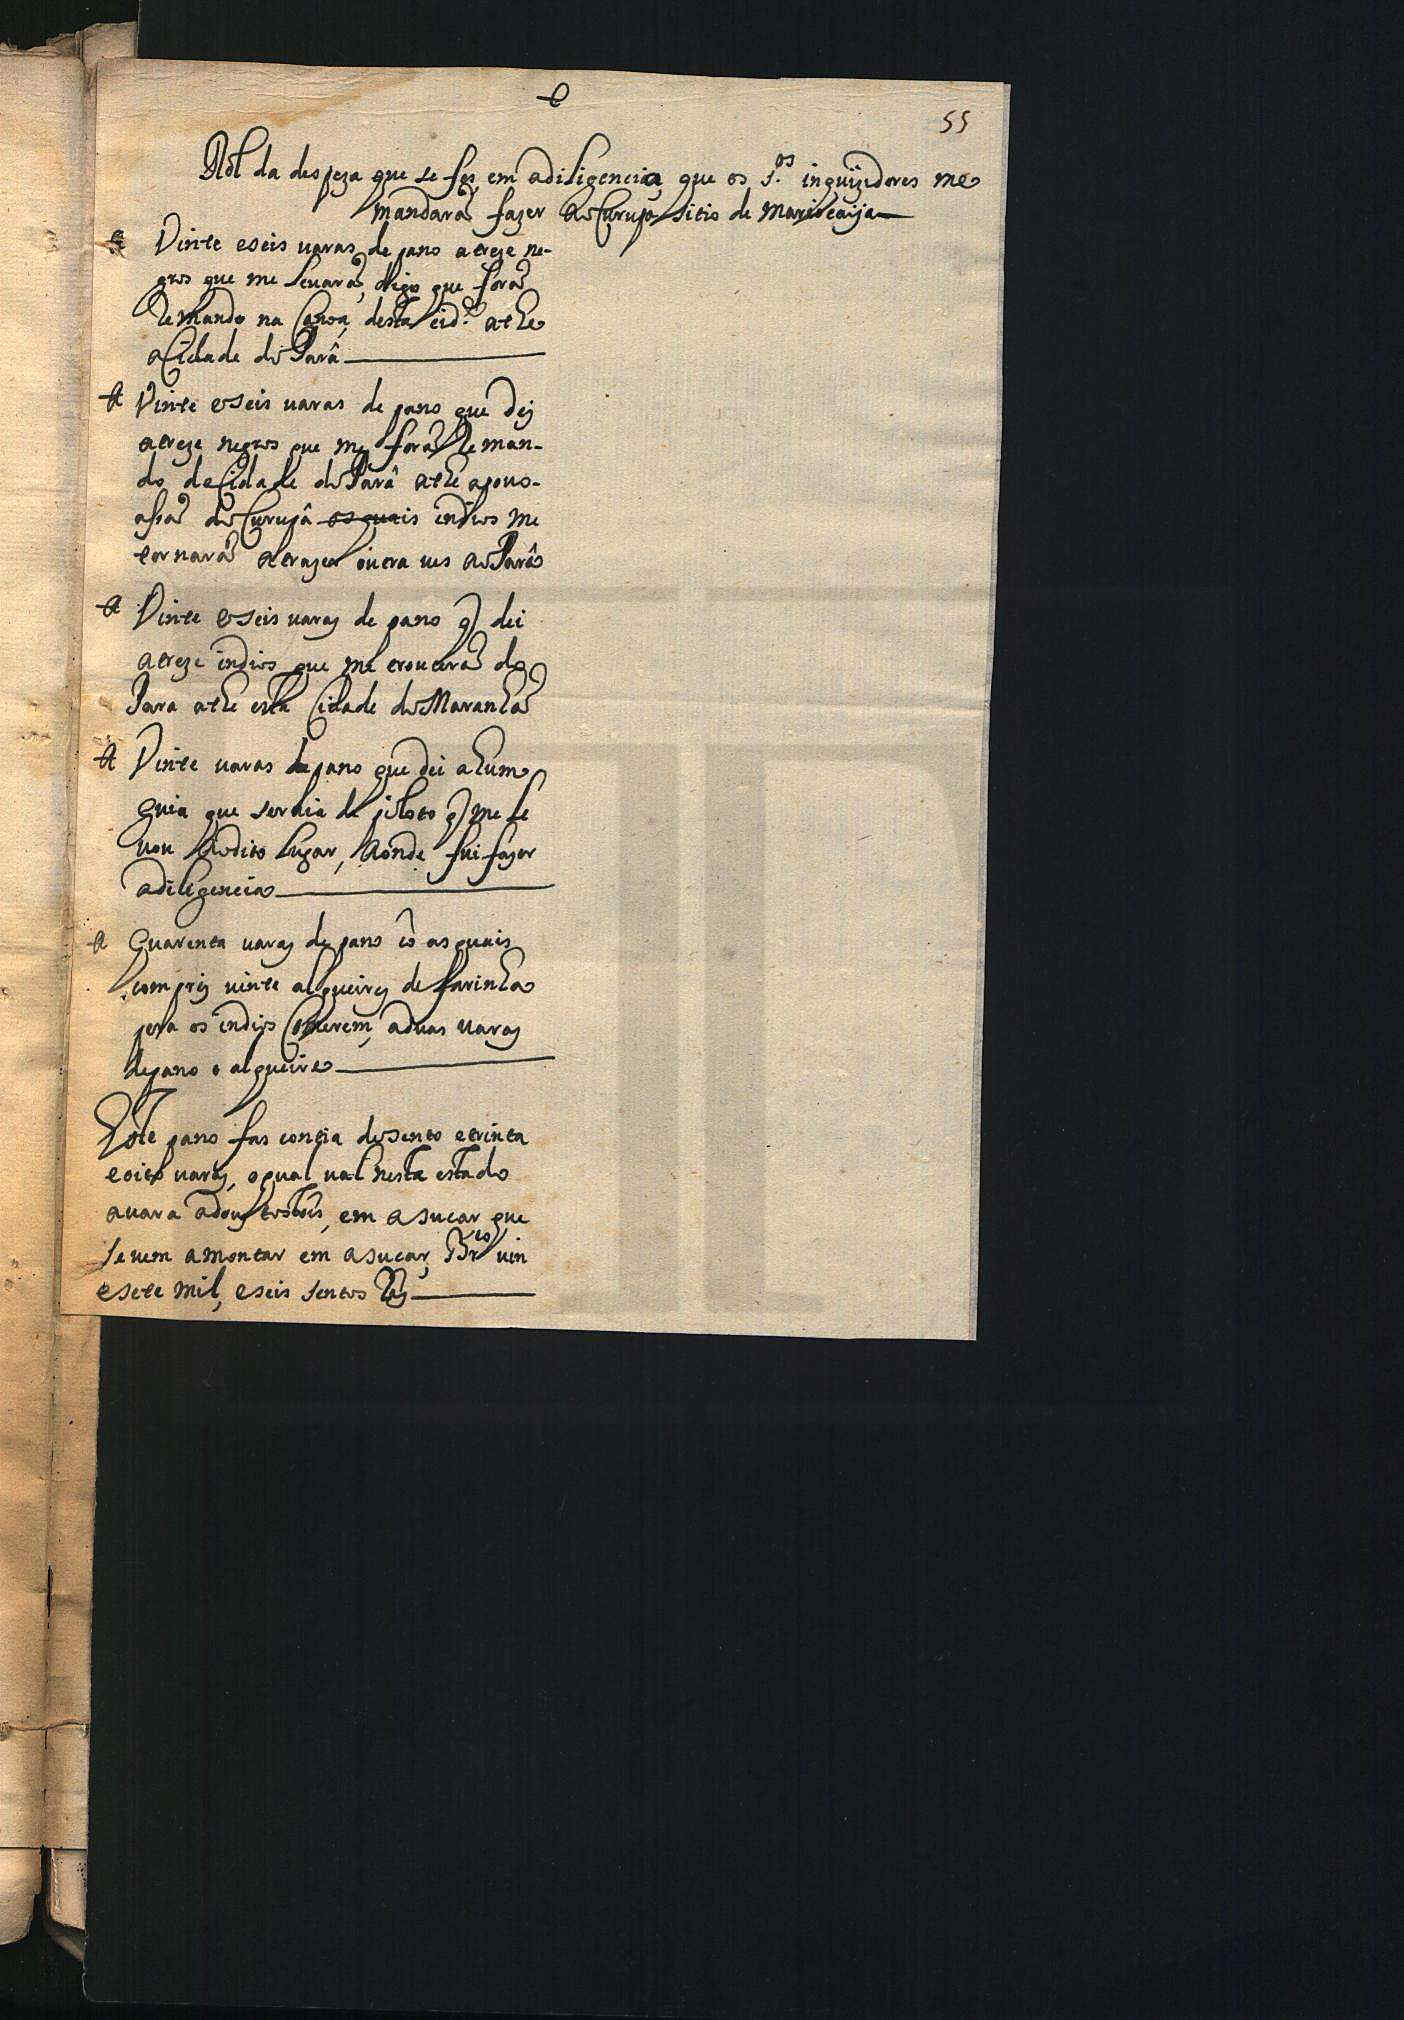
Rol da despeza que se fes em a diligencia que os s.res inquizidores me
mandarā fazer ao Curupá sitio de mariocaija
Vinte e seis uaras de pano a treze ne
gros que me Leuaraõ, digo que forā
Remando na Canoa, desta cid.e athe
a Cidade do Parâ
item Vinte e seis uaras de pano que dej
a treze negros que me foraõ Reman
do da Cidade do Parâ athe a pouo
assaõ do Curupâ os quais indios me
tornarā a trazer outra ues ao Parâ
Vinte e seis uaras de pano q̄ dei
a treze indios que me troucerā do
Para athe esta Cidade do Maranhā
item Vinte uaras de pano que dei a hum
Guia que seruia de piloto q̄ me le
uou o dito lugar, aonde fui fazer
a diligencia
Quarenta uaras de pano cō as quais
comprej uinte alqueires de farinha
pera os indios Comerem, a duas uaras
de pano o alqueire
Este pano fas contia de sento e trinta
e oito uaras, o qual ual nesta estado
a uara a dous tostoĩs, em asucar, que
se uem a montar em asucar, Brco uin
e sete mil, e seissentos Rēs
